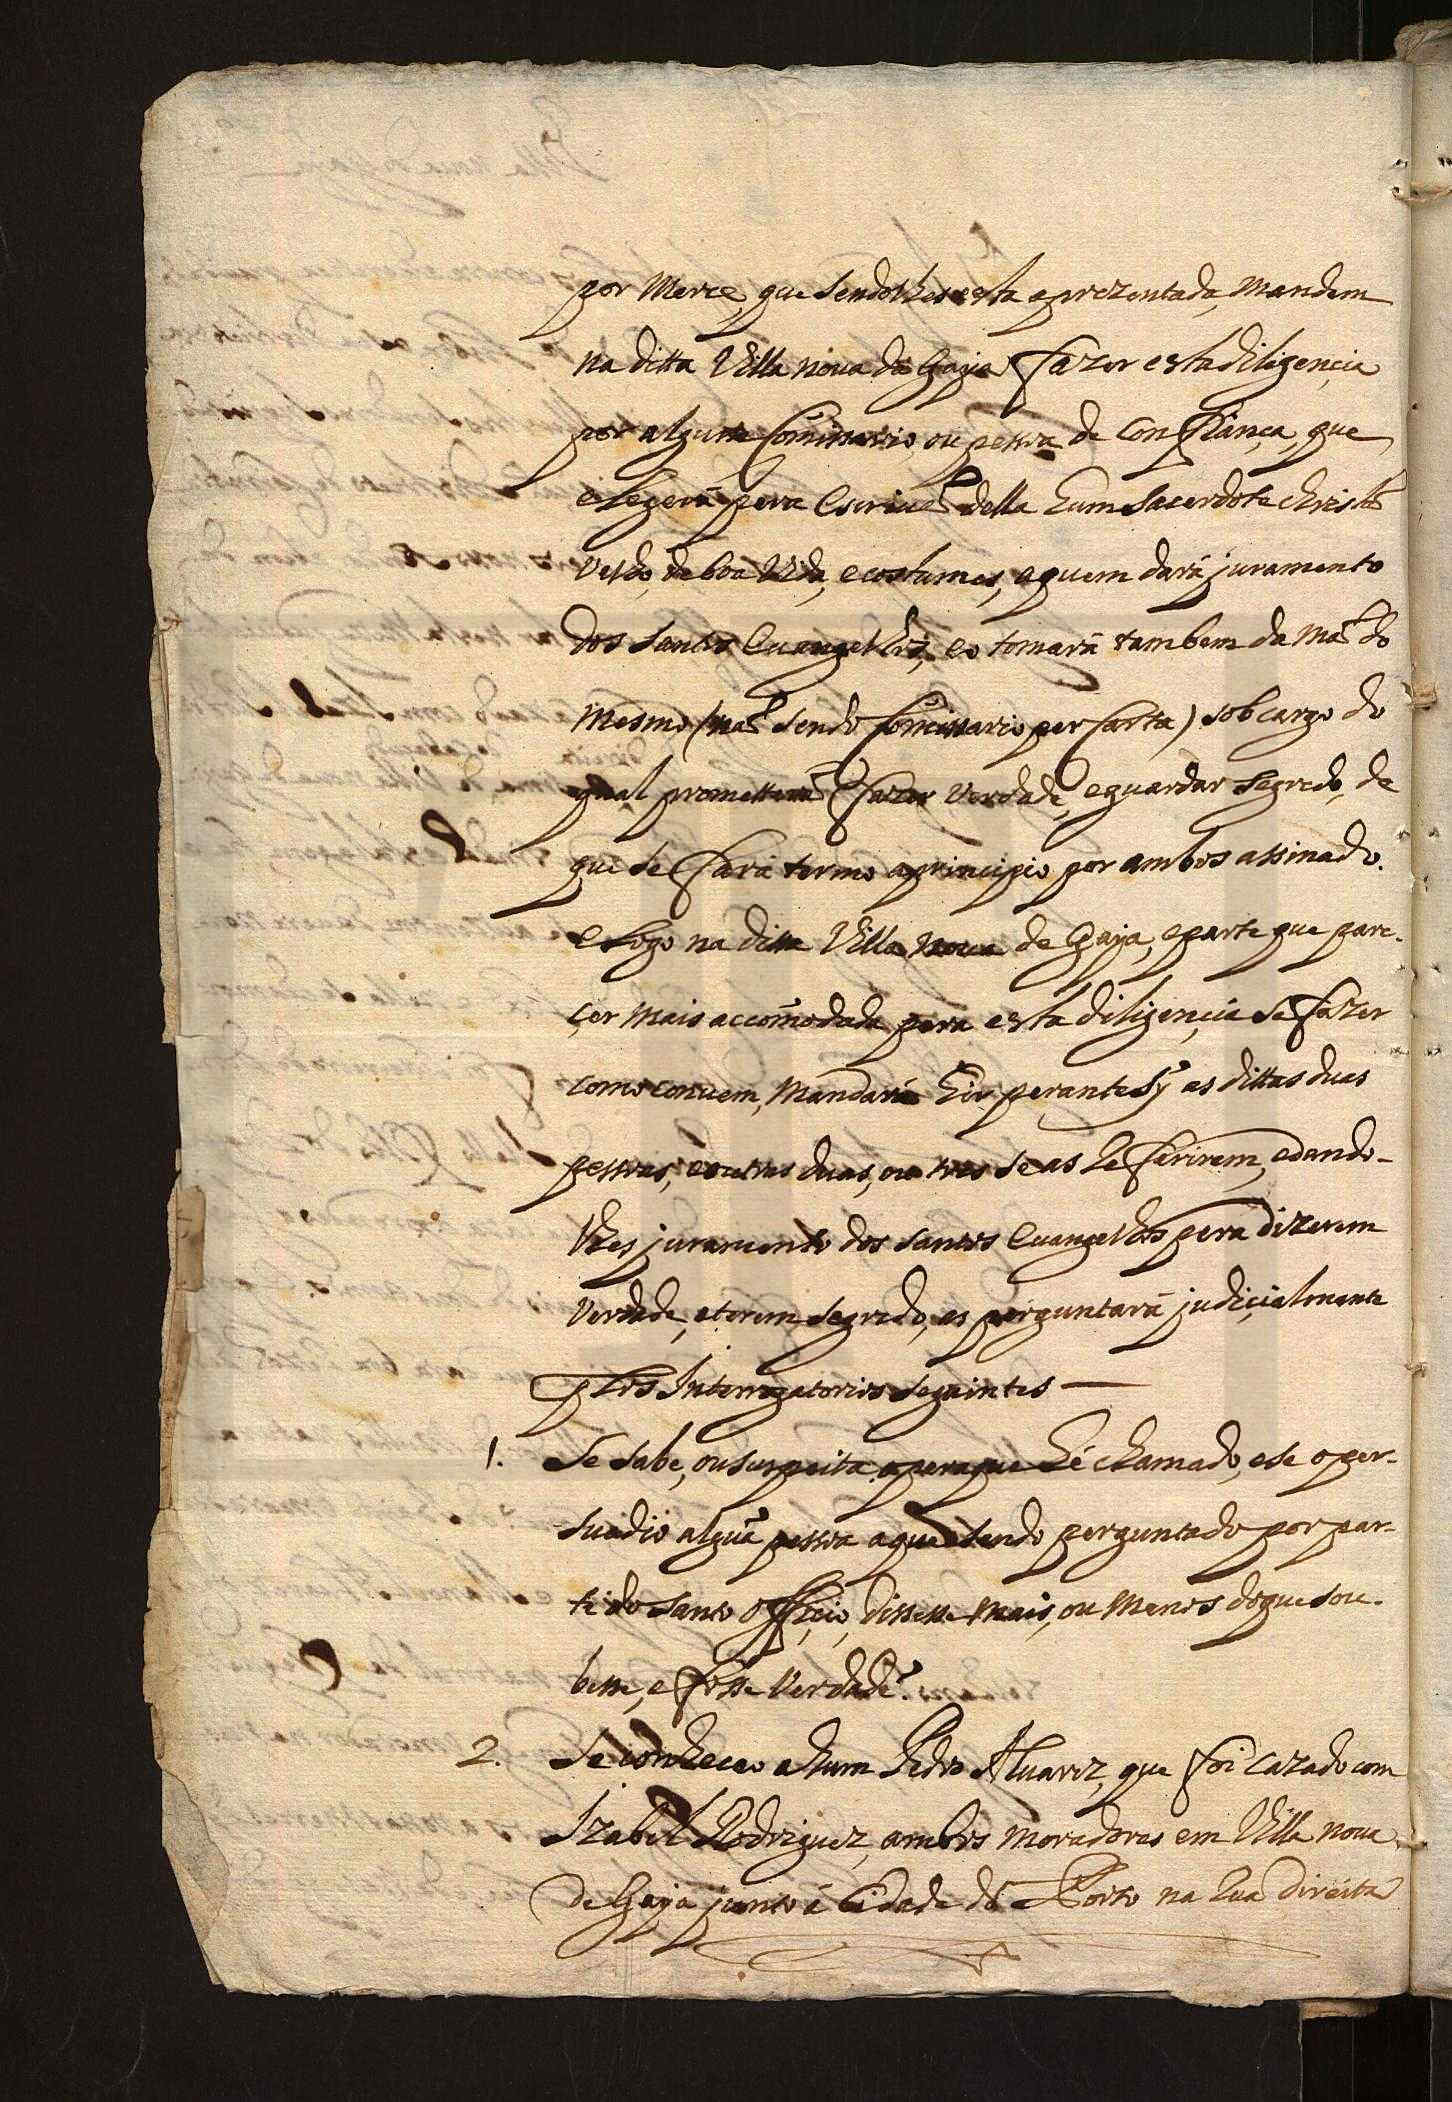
por Merce, que sendolhes nesta aprezentada, mandem
na ditta Villa noua da Gaya fazer esta diligençia
por algum Comissario, ou pessoa de confiança, que
elegerá pera escriuaõ della hum Sacerdote christaõ
velho de boa vida, e costumes, a quem dará juramento
dos Santos Euangelhos, e o tomará tambem da maõ do
mesmo (naõ sendo Comissario por Carta) sob cargo do
qual prometeu fazer verdade, e guardar segredo de
que se fará termo a principio por ambos assinado.
e Logo na ditta Villa noua de Gaya, e parte que pare
çer mais accom̄odada para esta diligençia se fazer
como conuem, mandará hir perante sy as dittas duas
pessoas, e outras duas, ou tres se as Referirem, e dando
lhes juramento dos santos Euangelhos pera dizerem
verdade, e terem segredo, as perguntará judiçialmente
p̄los Interrogatorios seguintes
1.
Se sabe, ou suspeita o pera que hé chamado, e se o per
suadio alguā pessoa a que sendo perguntado por par
te do santo offiçio, dissesse mais, ou menos do que sou
besse, e fosse verdade?
2. Se conheceo a hum Pedro Aluarez, que foi cazado com
Izabel Rodriguez, ambos moradores em Villa noua
de Gaya junto á Cidade do Porto na Rua direita
